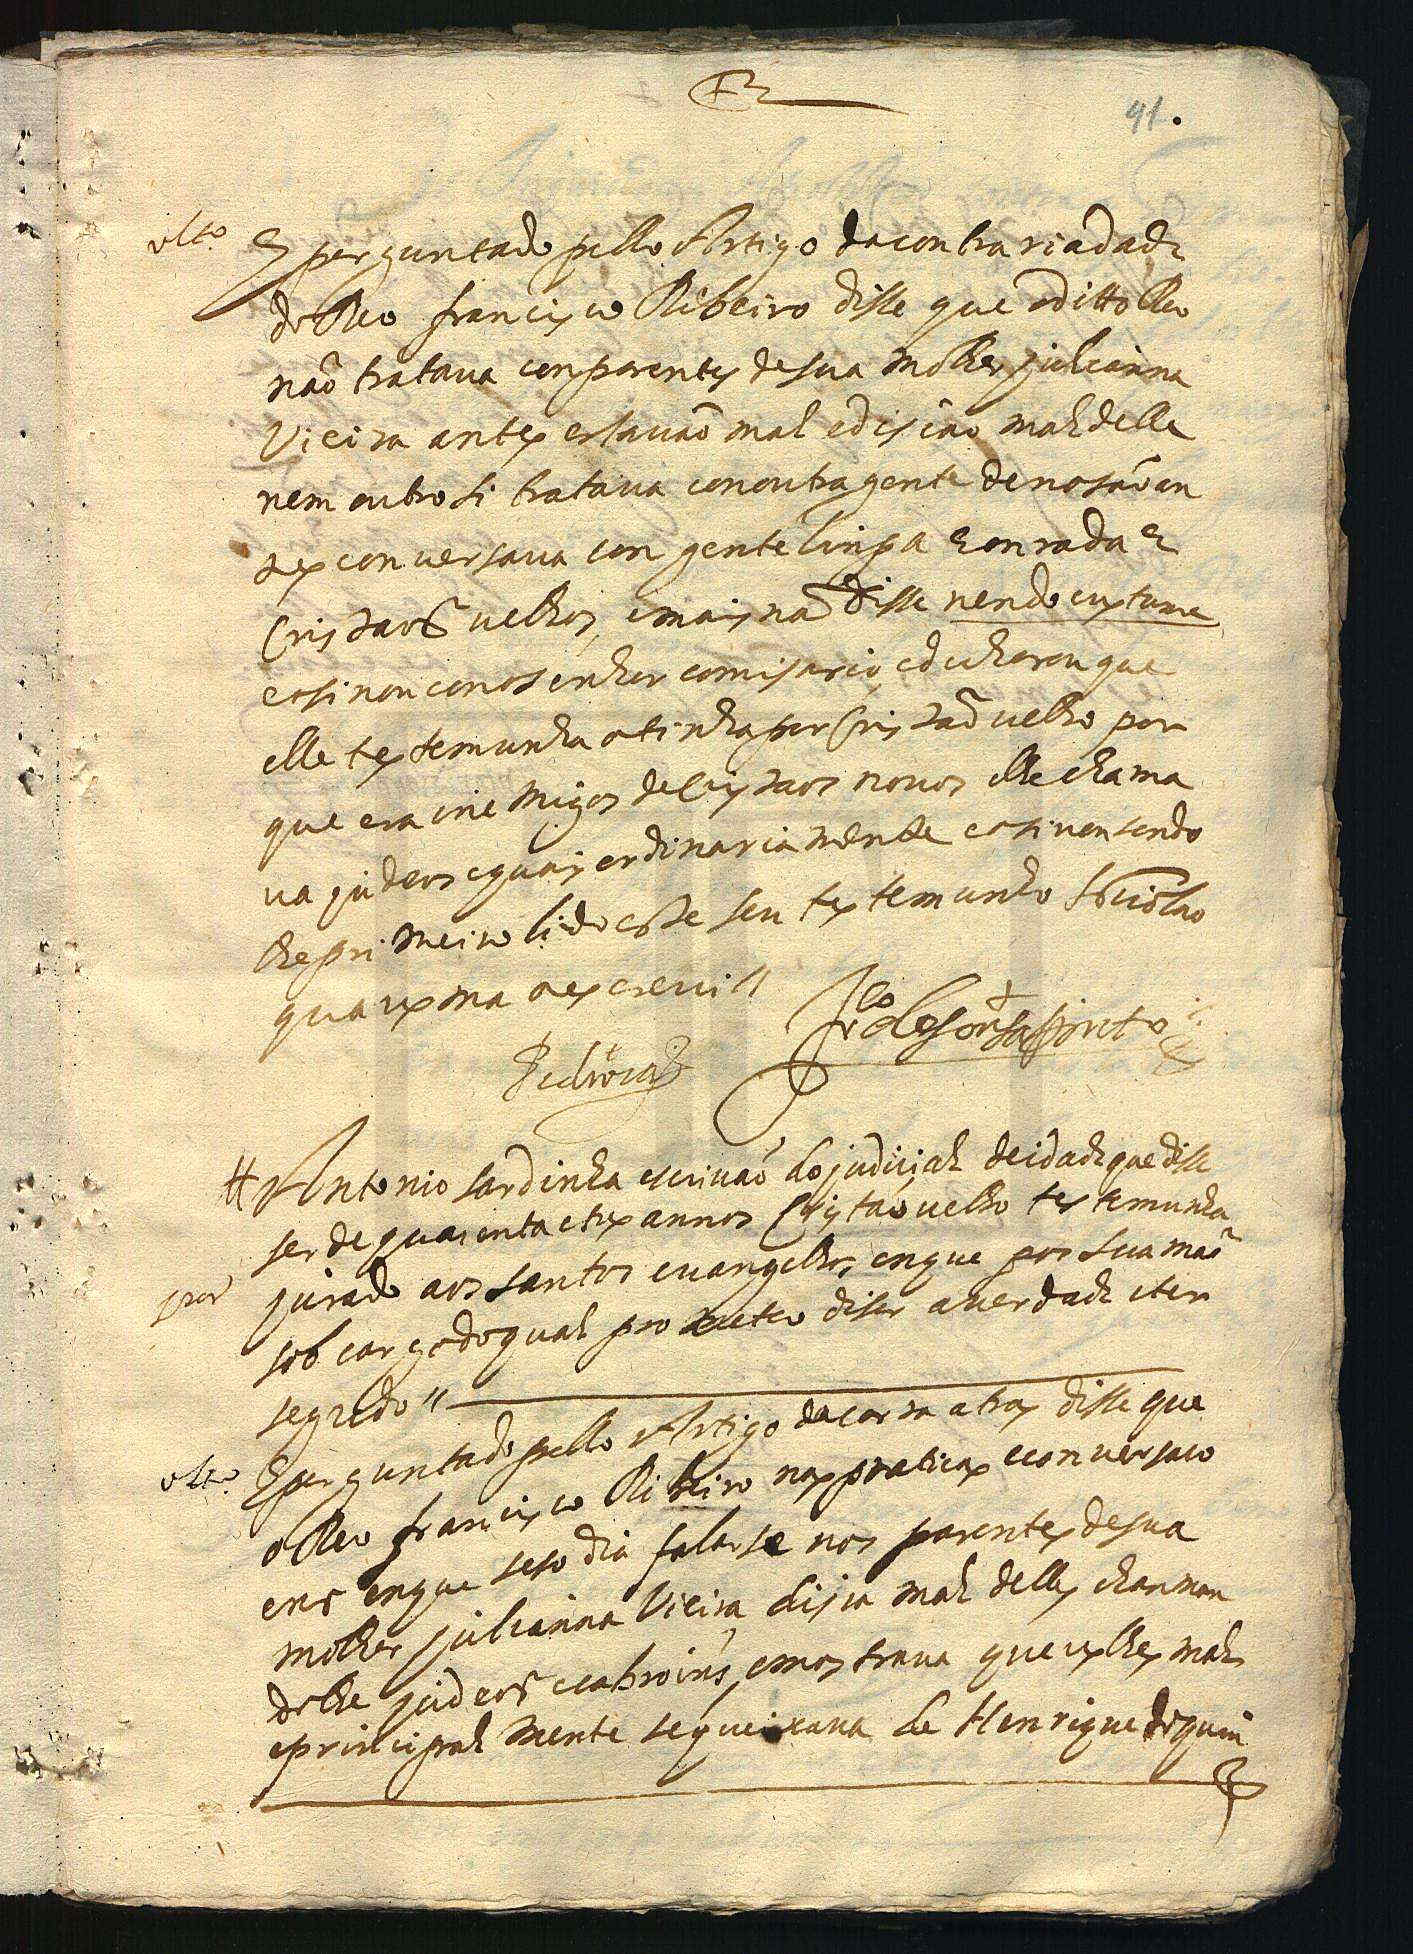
E perguntado pello Artigo da contrariadade
do Reo francisco Ribeiro disse que o ditto Reo
naõ trataua con parentes de sua molher julianna
Vieira antes estauaõ mal e disião mal delle
nem outrosi trataua con outra gente de nasaõ an
tes conuersaua con gente linpa E onrada E
Cristaõs uelhos, e mais naõ disse nen do custume
e asinou con o senhor comisario, e declarou que
elle testemunha o tinha por Cristaõ uelho por
que era inemigos de cristaos nouos elle chama
ua judeos e quais ordinariamente e asinou sendo
lhe primeiro lido este seu testemunho Nicolao
quaresma o escreui //
item Antonio sardinha escriuaõ do judiçiaL de idade que disse
ser de quarenta e tres annos Cristaõ uelho testemunha
jurado aos santos euangelhos, en que pos sua maõ
sob cargo do qual prometeo diser a uerdade e ter
segredo //
E perguntado pello Artigo da carta atras disse que
o Reo francisco Ribeiro nas praticas e conuersaco
ens en que sesodia falarse nos parentes de sua
molher julianna Vieira disia mal delles chanman
dolhe judeos e cabroiñs, e mostraua quererlhes maL
e principalmente se queixaua de Henrique do quin
vlt.o
jur
vlt.o
